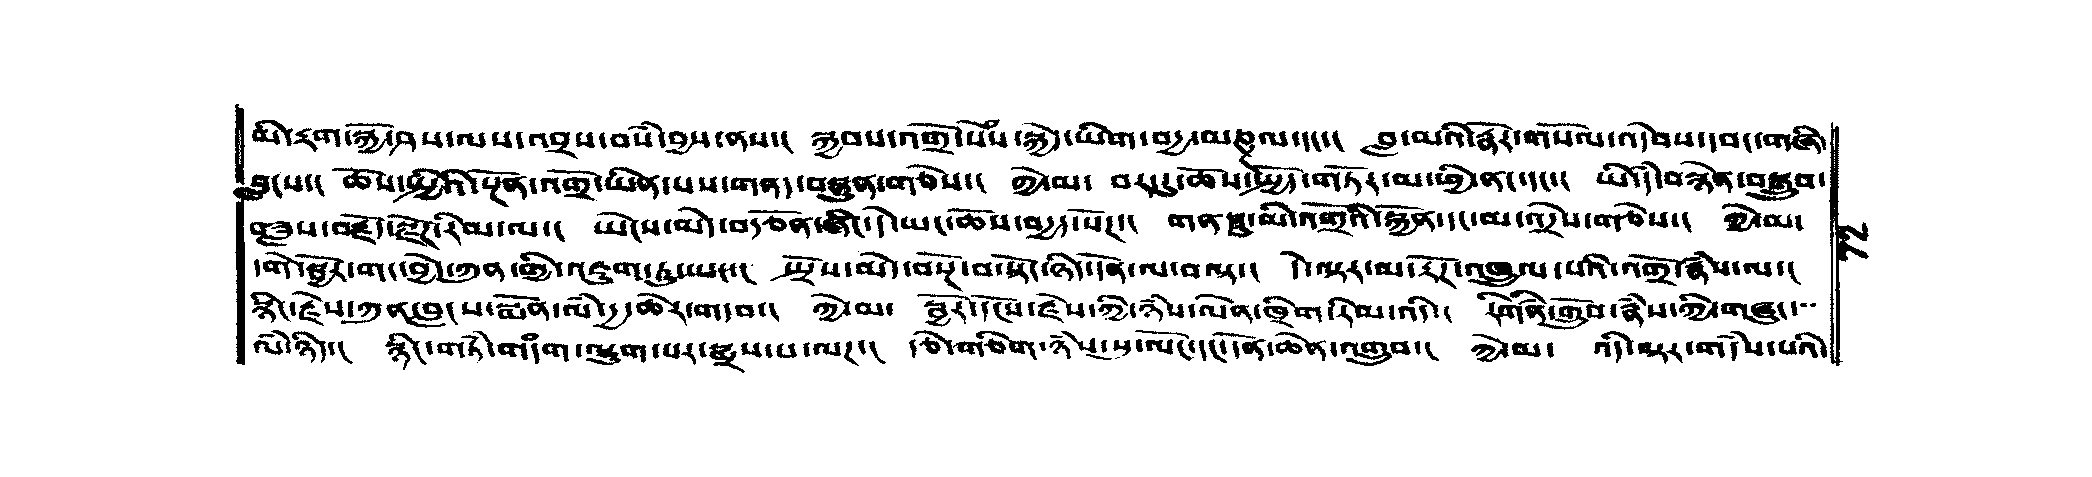མི་རྟག་སྐྱོ་ཤས་ལས་འབྲས་བསམ་བྱས་ནས། །སྐྱབས་འགྲོ་སེམས་བསྐྱེད་ཡིག་བརྒྱ་མཎྜལ་དང། །བླ་མའི་རྣལ་འབྱོར་གསོལ་འདེབས་དབང་བཞི་
བླངས། །ཆོས་སྤྱིའི་སྔོན་འགྲོ་ཡིན་པས་གནད་བསྣུན་ཅེས། ཀྱེ་མ། བར་དུ་ཆོས་སྤྱོད་གཏོར་མ་ཕྱི་ནང་དང་། །ཡི་དམ་བསྙེན་བསྒྲུབ་
བཟླས་བརྗོད་རྫོགས་རིམ་ལ། །ཡེངས་མེད་བརྩོན་ཞིང་དེ་ཡང་ཆོས་བརྒྱད་སོགས། །གནད་དུ་མི་འགྲོའི་སྐྱོན་དང་མ་འདྲེས་གཅེས། ཀྱེ་མ། 
དགེ་སྦྱོར་གང་བྱེད་ཀུན་གྱི་མཇུག་ཏུ་ཡང་། །སྤྲོས་མེད་བསྔོ་བ་སྟོང་ཉིད་དོན་ལ་བལྟ། །དེ་ལྟར་མ་རྟོགས་འཁྲུལ་བའི་འགྲོ་རྣམས་ལ། །
སྙིང་རྗེས་ཀུན་སླངས་སྨོན་ལམ་རྒྱ་ཆེར་གདབ།ཀྱེ་མ། སྦྱོར་དངོས་རྗེས་ཀྱི་ཉམས་ལེན་ཁྲིད་རིམ་འདི། །རིག་འཛིན་གྲུབ་ཐོབ་རྣམས་ཀྱི་གཞུང་
ལམ་ཉིད། །སྙིང་གཏམ་གདམས་ངག་ལྷུག་པར་སྨྲས་པ་ལགས། །རྩེ་གཅིག་ཉམས་སུ་ལོངས་དང་དོན་ཆེན་འགྲུབ། ཀྱེ་མ། འདི་ལྟར་གདམས་པའི་